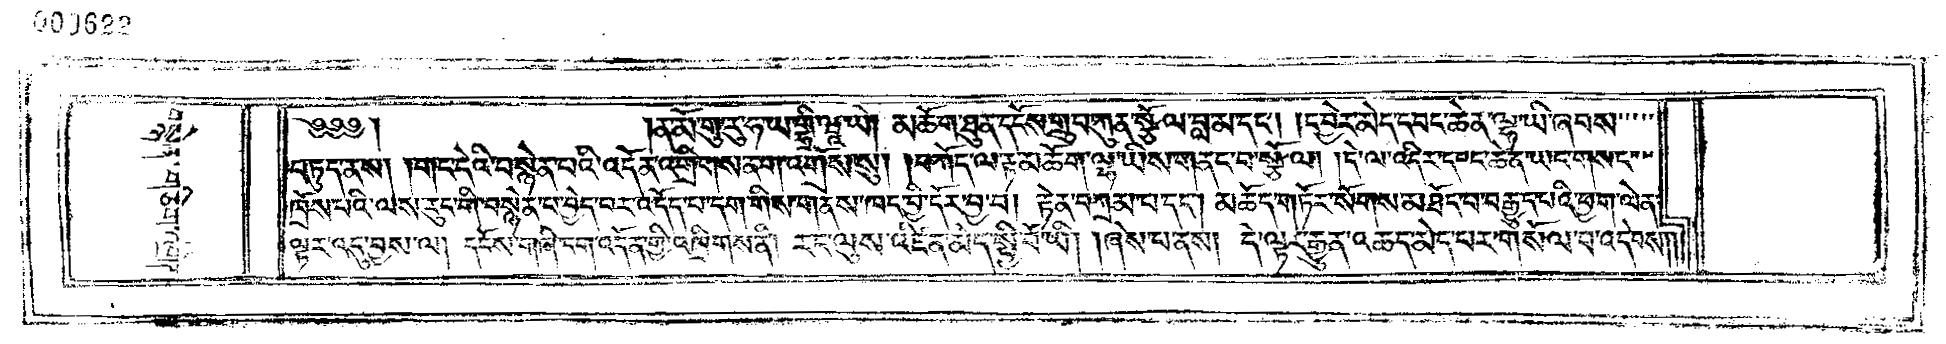༄༅༅། །ན་མོ་གུ་རུ་ཧ་ཡ་གྷྲི་ཝཱ་ཡེ། མཆོག་ཐུན་དངོས་གྲུབ་ཀུན་སྩོལ་བླ་མ་དང་། །དབྱེར་མེད་དབང་ཆེན་ལྷ་ཡི་ཞབས་
བཏུད་ནས། །གང་དེའི་བསྙེན་པའི་འདོན་འགྲིགས་ནག་འགྲོས་སུ། །བཀོད་ལ་རྟ་མཆོག་ལྷ་ཡིས་གནང་བ་སྩོལ། །དེ་ལ་འདིར་དབང་ཆེན་ཡང་གསང་
ཁྲོས་པའི་ལས་རུང་གི་བསྙེན་པ་བྱེད་པར་འདོད་པ་དག་གིས་གནས་ཁང་བྱི་དོར་བྱ་བ། རྟེན་བཀྲམ་པ་དང་། མཆོད་གཏོར་སོགས་མཐོང་བ་བརྒྱུད་པའི་ཕྱག་ལེན་
ལྟར་འདུ་བྱས་ལ། དངོས་གཞི་ངག་འདོན་གྱི་འཁྲིགས་ནི། རང་ལུས་འཛིན་མེད་སྤྱི་བོ་ཡི། །ཞེས་པ་ནས། དེ་ལྟར་རྒྱུན་འཆད་མེད་པར་གསོལ་བ་འདེབས།།